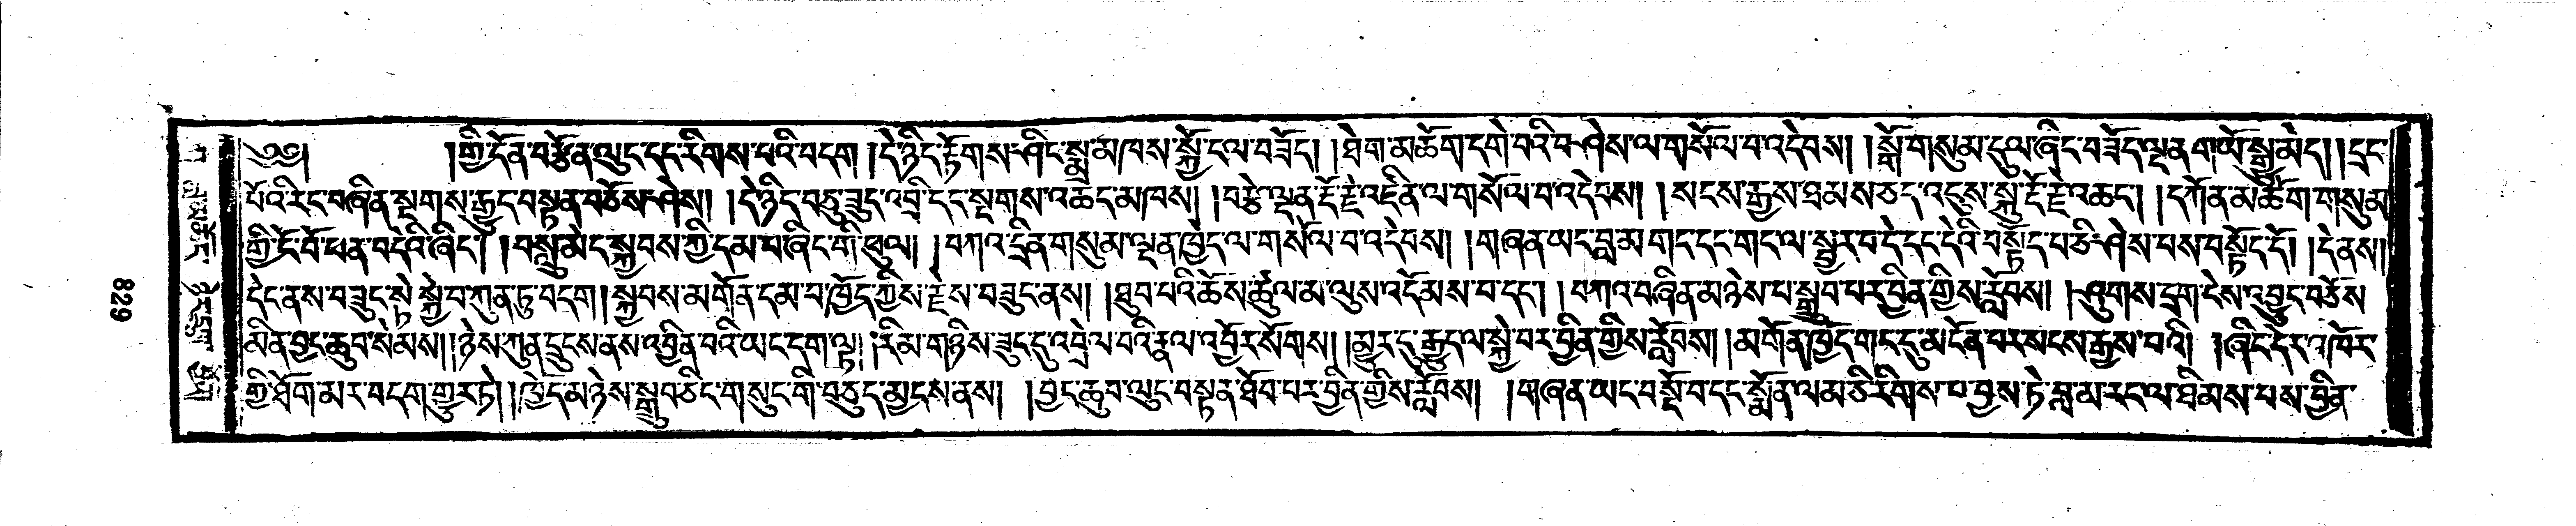༄༅། །གྱི་དོན་བརྩོན་ལུང་དང་རིགས་པའི་བདག །དེ་ཉིད་རྟོགས་ཤིང་སྨྲ་མཁས་སྐྱོ་ངལ་བཟོད། །ཐེག་མཆོག་དགེ་བའི་བཤེས་ལ་གསོལ་བ་འདེབས། །སྒོ་གསུམ་དུལ་ཞིང་བཟོད་ལྡན་གཡོ་སྒྱུ་མེད། །དྲང་
པོའི་རང་བཞིན་སྔགས་རྒྱུད་བསྟན་བཅོས་ཤེས། །དེ་ཉིད་བཅུ་ཟད་འབྲི་དང་སྔགས་འཆད་མཁས། །བརྩེ་ལྡན་རྡོ་རྗེ་འཛིན་ལ་གསོལ་བ་འདེབས། །སངས་རྒྱས་ཐམས་ཅད་འདུས་སྐུ་རྡོ་རྗེ་འཆང་། །དཀོན་མཆོག་གསུམ་
གྱི་ངོ་བོ་ཕན་བདེའི་ཞིང་། །བསླུ་མེད་སྐྱབས་ཀྱི་དམ་པ་ཞིང་གི་ཕུལ། །བཀའ་དྲིན་གསུམ་ལྡན་ཁྱེད་ལ་གསོལ་བ་འདེབས། །གཞན་ཡང་བླ་མ་གང་དང་གང་ལ་སྦྱར་བ་དེ་དང་དེའི་བསྟོད་པ་ཅི་ཤེས་པས་བསྟོད་དོ། །དེ་ནས།
དེང་ནས་བཟུང་སྟེ་སྐྱེ་བ་ཀུན་ཏུ་བདག །སྐྱབས་མགོན་དམ་པ་ཁྱོད་ཀྱིས་རྗེས་བཟུང་ནས། །ཐུབ་པའི་ཆོས་ཚུལ་མ་ལུས་འདོམས་པ་དང་། །བཀའ་བཞིན་མཉེས་པ་སྒྲུབ་པར་བྱིན་གྱིས་རློབས། །ཤུགས་དྲག་ངེས་འབྱུང་བཅོས་
མིན་བྱང་ཆུབ་སེམས། །ཉེས་ཀུན་དྲུངས་ནས་འབྱིན་པའི་ཡང་དག་ལྟ། །རིམ་གཉིས་ཟུང་དུ་འབྲེལ་བའི་རྣལ་འབྱོར་སོགས། །མྱུར་དུ་རྒྱུད་ལ་སྐྱེ་བར་བྱིན་གྱིས་རློབས། །མགོན་ཁྱོད་གང་དུ་མངོན་པར་སངས་རྒྱས་པའི། །ཞིང་དེར་འཁོར་
གྱི་ཐོག་མར་བདག་གྱུར་ཏེ། །ཁྱོད་མཉེས་སྒྲུབ་ཅིང་གསུང་གི་བཅུད་མྱངས་ནས། །བྱང་ཆུབ་ལུང་བསྟན་ཐོབ་པར་བྱིན་གྱིས་རློབས། །གཞན་ཡང་བསྔོ་བ་དང་སྨོན་ལམ་ཅི་རིགས་པ་བྱས་ཏེ་བླ་མ་རང་ལ་ཐིམས་པས་བྱིན་